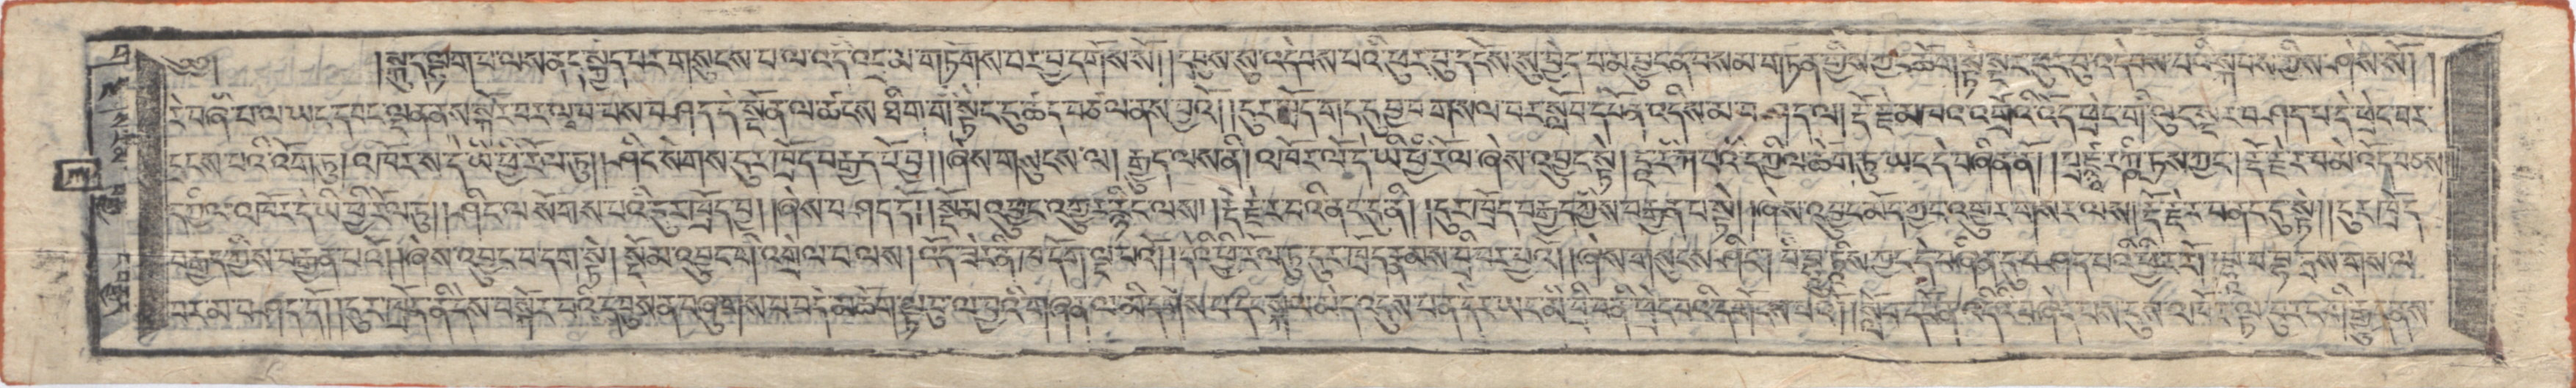༄༅། །སྐུད་ལྷག་པ་ལས་ནད་སྐྱེད་པར་གསུངས་པ་ལ་འདི་འདྲ་མ་གཏོགས་པར་བྱ་དགོས་སོ། །དབུས་སུ་འདེབས་པའི་ཕུར་བུ་དངོས་སུ་བྱེད་པ་མ་བྱུང་ན་བསམ་གཏན་གྱིས་ཀྱང་ཆོག་སྟེ་སྔར་ཕུར་བུ་འདེབས་པའི་སྐབས་ཀྱིས་ཤེས་སོ། །
རེ་བཞི་པ་ལ་ཡང་དབང་ལྡན་ནས་སྐོར་བར་ལྭ་བ་པས་བཤད་དེ་སྔོན་ལ་ཚངས་ཐིག་གི་སྟེང་དུ་ཚད་བཙལ་ནས་བྱའོ། །དུར་ཁྲོད་གང་དུ་བྱ་བ་གསལ་བར་སློབ་དཔོན་འདིས་མ་བཤད་ལ། རྡོ་རྗེ་མཁའ་འགྲོའི་འོད་ཕྲེང་གི་ལུང་སྔར་བཤད་པ་དེ་ཕྲེང་བར་
དྲངས་པའི་འོག་ཏུ། འཁོར་ས་དེ་ཡི་ཕྱི་རོལ་ཏུ། །ཤིང་སོགས་དུར་ཁྲོད་བརྒྱད་པོ་བྱ། །ཞེས་གསུངས་ལ། རྒྱུད་ལས་ནི། འཁོར་ལོ་དེ་ཡི་ཕྱི་རོལ་ཞེས་འབྱུང་སྟེ། དཱ་རི་ཀ་པའི་དཀྱིལ་ཆོག་ཏུ་ཡང་དེ་བཞིན་ནོ། །པྲཛྙཱ་རཀྵི་ཏས་ཀྱང་། རྡོ་རྗེ་ར་བ་མེ་འོད་བཅས། །
དཀྱིལ་འཁོར་དེ་ཡི་ཕྱི་རོལ་ཏུ། །ཤིང་ལ་སོགས་པའི་དུར་ཁྲོད་བྱ། །ཞེས་བཤད་དོ། །སྡོམ་འབྱུང་འགྱུར་རྙིང་ལས། །རྡོ་རྗེ་ར་བའི་ནང་དུ་ནི། །དུར་ཁྲོད་བརྒྱད་ཀྱིས་བརྒྱན་པ་སྟེ། །ཞེས་འབྱུང་མོད་ཀྱང་འགྱུར་གསར་ལས། རྡོ་རྗེ་ར་བ་ནང་དུ་སྟེ། །དུར་ཁྲོད་
བརྒྱད་ཀྱིས་བརྒྱན་པའོ། །ཞེས་འབྱུང་བ་དག་སྟེ། སྡོམ་འབྱུང་གི་འགྲེལ་པ་ལས། འོད་ཟེར་ནི་ཁ་དོག་ལྔ་པའོ། །དེའི་ཕྱིར་རོལ་ཏུ་དུར་ཁྲོད་རྣམས་བྲི་བར་བྱའོ། །ཞེས་གསུངས་ཤིང་། བི་བྷཱུ་ཏཱིས་ཀྱང་དེ་བཞིན་དུ་བཤད་པའི་ཕྱིར་རོ། །བྷཱ་བ་བྷ་དྲས་གསལ་
བར་མ་བཤད་དོ། །དུར་ཁྲོད་ནི་དེས་བསྐོར་བའི་དབུས་ན་བཞུགས་པ་བདེ་མཆོག་ལྟ་བུ་ལ་བྱའི་གཞན་ལ་མི་དགོས་པ་དང་སྐལ་མེད་འདུས་པ་ན་དེར་ཡང་མི་བྲི་བ་ནི་ཕྲེང་བའི་དགོངས་པའོ། །སློབ་དཔོན་འདིའི་བཞེད་པས་དུས་འཁོར་ལྟ་བུ་རང་གི་རྒྱུད་ནས་